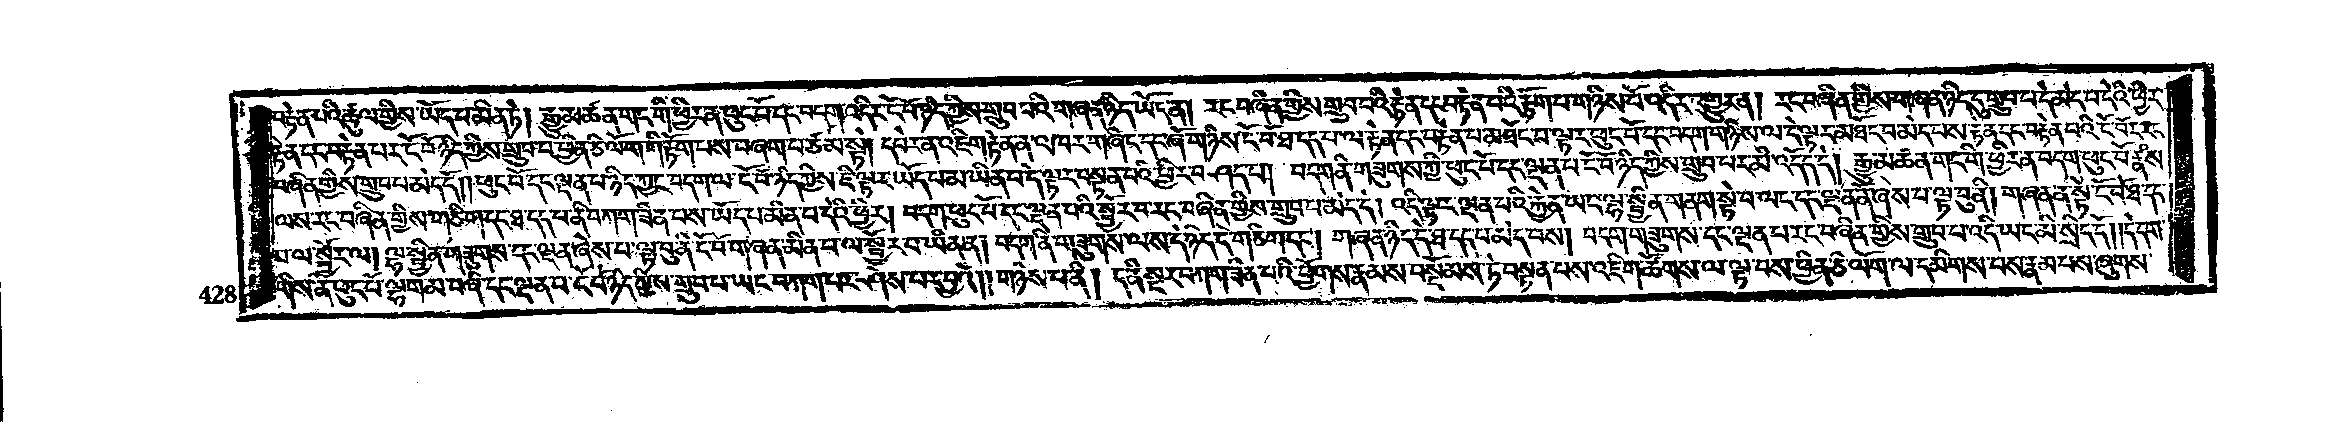བརྟེན་པའི་ཚུལ་གྱིས་ཡོད་པ་མིན་ཏེ། རྒྱུ་མཚན་གང་གི་ཕྱིར་ན་ཕུང་པོ་དང་བདག་འདིར་ངོ་བོ་ཉིད་ཀྱིས་གྲུབ་པའི་གཞན་ཉིད་ཡོད་ན། རང་བཞིན་གྱིས་གྲུབ་པའི་རྟེན་དང་བརྟེན་པའི་རྟོག་པ་གཉིས་པོ་འདིར་འགྱུར་ན། རང་བཞིན་གྱིས་གཞན་ཉིད་དུ་གྲུབ་པ་དེ་མེད་པ་དེའི་ཕྱིར་
རྟེན་དང་བརྟེན་པར་ངོ་བོ་ཉིད་ཀྱིས་གྲུབ་པ་ཕྱིན་ཅི་ལོག་གི་རྟོག་པས་བཞག་པ་ཙམ་སྟེ། དཔེར་ན་འཇིག་རྟེན་ན་འཁར་གཞོང་དང་ཞོ་གཉིས་ངོ་བོ་ཐ་དད་པ་ལ་རྟེན་དང་བརྟེན་པ་མཐོང་བ་ལྟར་ཕུང་པོ་དང་བདག་གཉིས་ལ་དེ་ལྟར་མཐོང་བ་མེད་པས་རྟེན་དང་བརྟེན་པའི་ངོ་བོར་རང་
བཞིན་གྱིས་གྲུབ་པ་མེད་དོ། །ཕུང་པོ་དང་ལྡན་པ་ཉིད་ཀྱང་བདག་ལ་ངོ་བོ་ཉིད་ཀྱིས་ཇི་ལྟར་ཡོད་པ་མ་ཡིན་པ་དེ་ལྟར་བསྟན་པའི་ཕྱིར་བཤད་པ། བདག་ནི་གཟུགས་ཀྱི་ཕུང་པོ་དང་ལྡན་པ་ངོ་བོ་ཉིད་ཀྱིས་གྲུབ་པར་མི་འདོད་དེ། རྒྱུ་མཚན་གང་གི་ཕྱིར་ན་བདག་ཕུང་པོ་རྣམས་
ལས་རང་བཞིན་གྱིས་གཅིག་དང་ཐ་དད་པ་ནི་བཀག་ཟིན་པས་ཡོད་པ་མིན་པ་དེའི་ཕྱིར། བདག་ཕུང་པོ་དང་ལྡན་པའི་སྦྱོར་བ་རང་བཞིན་གྱིས་གྲུབ་པ་མེད་དེ། འདི་ལྟར་ལྡན་པའི་རྐྱེན་ཡང་ལྷ་སྦྱིན་གནག་སྟེ་བ་ལང་དང་ལྡན་ན་ཞེས་པ་ལྟ་བུ་ནི། གཞན་ན་སྟེ་ངོ་བོ་ཐ་དད་
པ་ལ་སྦྱོར་ལ། ལྷ་སྦྱིན་གཟུགས་དང་ལྡན་ཞེས་པ་ལྟ་བུ་ནི་ངོ་བོ་གཞན་མིན་པ་ལ་སྦྱོར་བ་ཡིན་ན། བདག་ནི་གཟུགས་ལས་དེ་ཉིད་དེ་གཅིག་དང་། གཞན་ཉིད་དེ་ཐ་དད་པ་མེད་པས། བདག་གཟུགས་དང་ལྡན་པ་རང་བཞིན་གྱིས་གྲུབ་པ་འདི་ཡང་མི་སྲིད་དོ། །དེ་དག་
གིས་ནི་ཕུང་པོ་ལྷག་མ་བཞི་དང་ལྡན་པ་ངོ་བོ་ཉིད་ཀྱིས་གྲུབ་པ་ཡང་བཀག་པར་ཤེས་པར་བྱའོ། །གཉིས་པ་ནི། ད་ནི་སྔར་བཀག་ཟིན་པའི་ཕྱོགས་རྣམས་བསྡོམས་ཏེ་བསྟན་པས་འཇིག་ཚོགས་ལ་ལྟ་བས་ཕྱིན་ཅི་ལོག་ལ་དམིགས་པས་རྣམ་པས་ཞུགས་པའི་